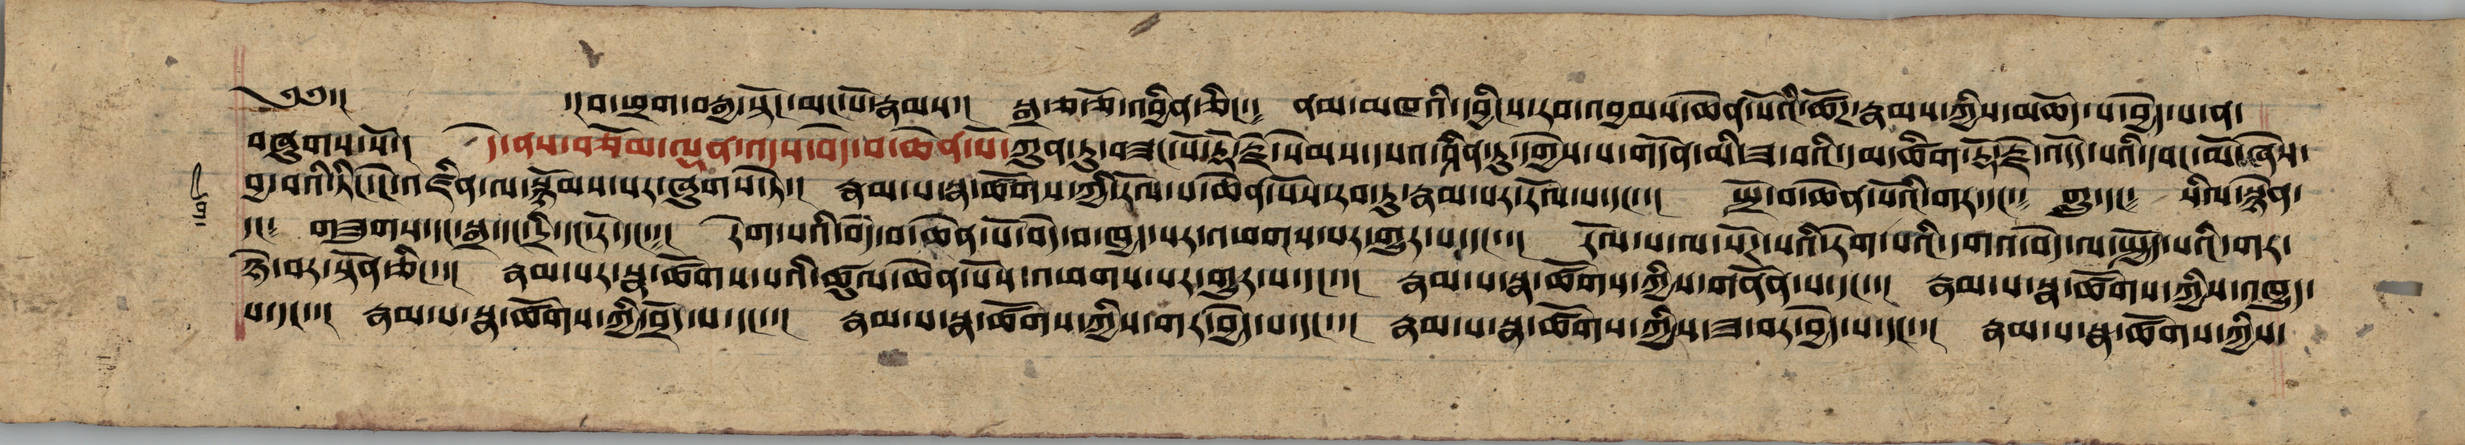༄༅་། ་།བ་ཕྲག་བརྒྱ་སྟོང་མང་པོ་རྣམས་། སྒྲ་ཅ་ཅོ་འབྱིན་ཅིང་༴ ནམ་མཁའི་དབྱིངས་རབ་འབྱམས་ཆེན་པོའི་ཚོཌ་རྣམས་ཀྱིས་མཆོད་པ་བྱེད་པ་ན་
བཞུགས་སོ་། དེ་ནས་བཅོམ་ལྡན་འདས་བདེ་བ་ཆེན་པོ་ཀུན་ཏུ་བཟང་པོ་རྡོ་རྗེ་སེམས་དཔའ་ཤིན་ཏུ་དགྱེས་པ་གདོན་མི་ཟ་བའི་དམ་ཚིག་རྡོ་རྗེ་འདོད་པའི་དབང་མོ་ཞེས་
བྱ་བའི་ཏིང་ངེ་འཛིན་ལ་སྙོམས་པར་ཞུགས་ཏེ་། རྣམ་པ་སྣ་ཚོགས་ཀྱི་རོལ་པ་ཆེན་པོས་རབ་ཏུ་རྣམ་པར་རོལ་པ་དང་་། སྤྲོ་བ་ཆེན་པོའི་གར་དང་༴ གླུ་དང་༴ སིལ་སྙེན་
དང༴ གཟུགས་དང་སྒྲ་དང་དྲི་དང་རོ་དང་༴། རེག་པའི་བདེ་བ་ཆེན་པོ་བདེ་བ་ཁྱད་པར་འཕགས་པར་གྱུར་པ་དང་་། རོལ་པ་ལ་སོཌ་པའི་རེག་པའི་དགའ་བདེ་ལ་སྤྱོད་པའི་གར་
ཉེ་བར་སྟོན་ཅིང་་། རྣམ་པར་སྣ་ཚོགས་པའི་ཚུལ་ཆེན་པོས་འཕགས་པར་གྱུར་པ་དང་་། རྣམ་པ་སྣ་ཚོགས་ཀྱིས་གནོན་པ་དང་་། རྣམ་པ་སྣ་ཚོགས་ཀྱིས་འཁྱུད་
པ་དང་་། རྣམ་པ་སྣ་ཚོགས་ཀྱི་བྲོད་པ་དང་་། རྣམ་པ་སྣ་ཚོགས་ཀྱིས་གར་བྱེད་པ་དང་་། རྣམ་པ་སྣ་ཚོགས་ཀྱིས་ཟ་བར་བྱེད་པ་དང་་། རྣམ་པ་སྣ་ཚོགས་ཀྱིས་